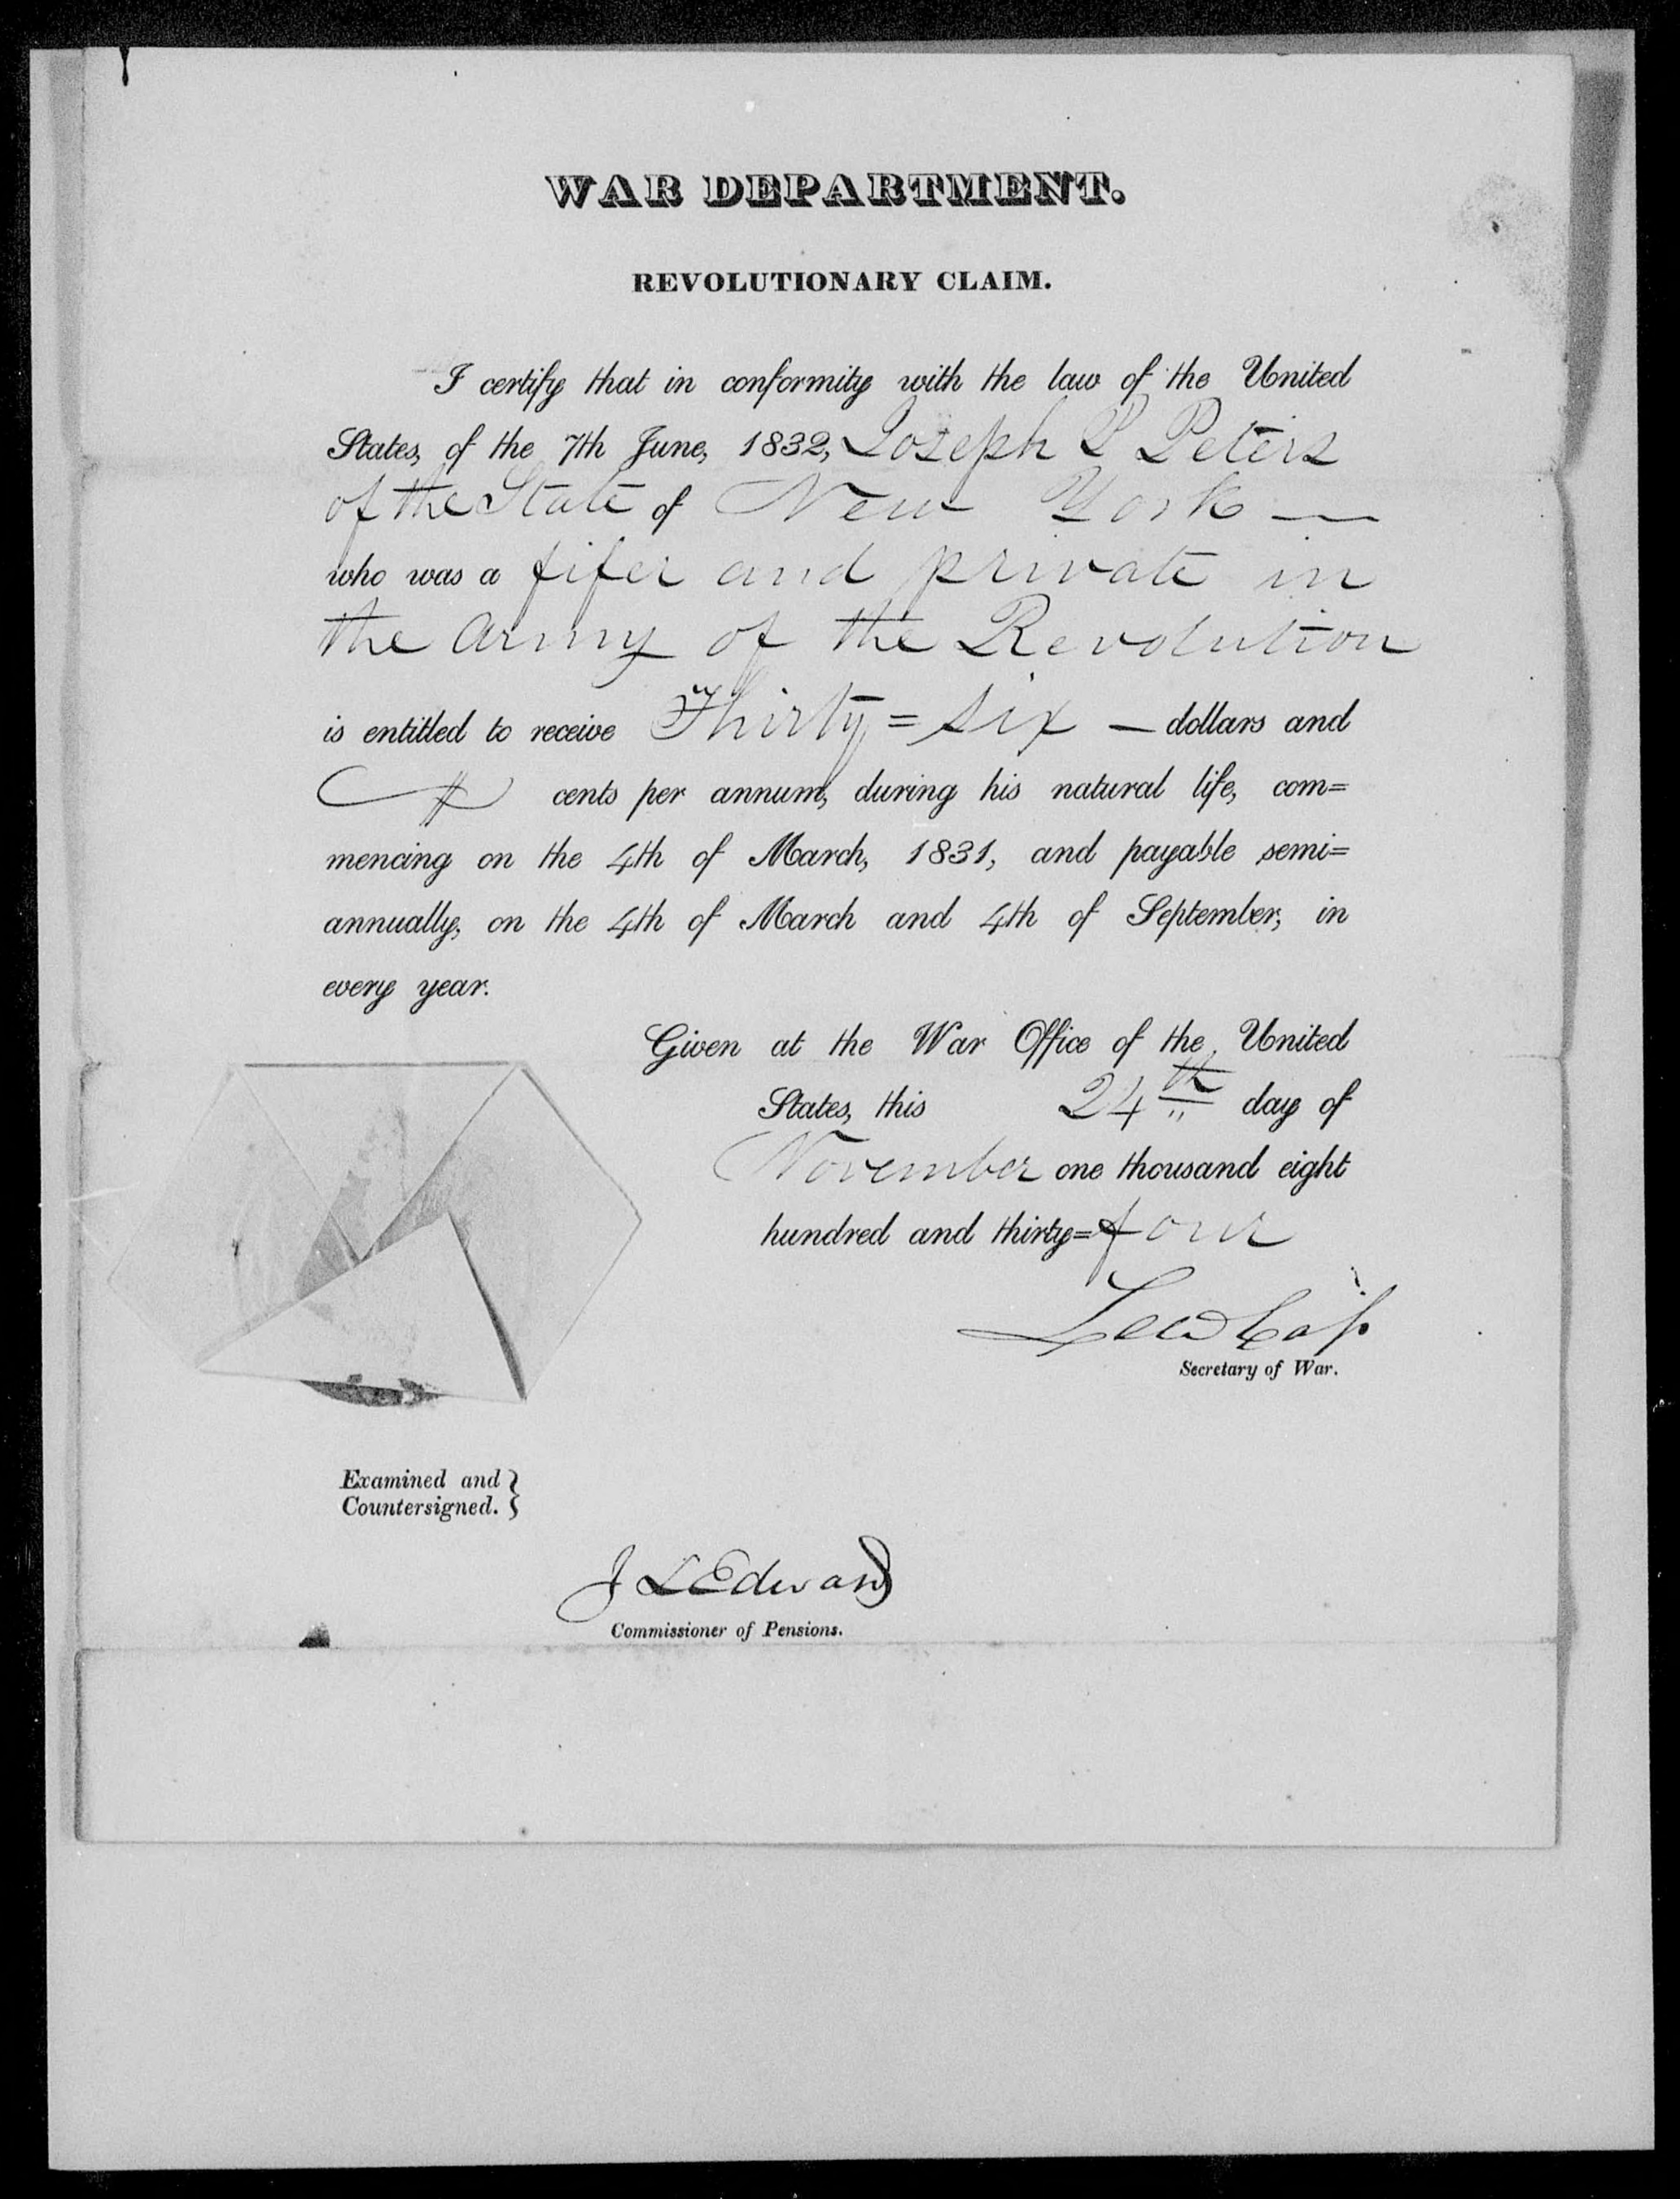WAR DEPARTMENT 
REVOLUTIONARY CLAIM. 
I certify that in conformity with the law of the United States, of the 7th June, 1832, Joseph P. Peters of the State of New York who was a fifer and private in the Army of the Revolution is entitled to receive Thirty-Six  dollars and - cents per annum, during his natural life, commencing on the 4th of March, 1831, and payable semiannually, on the 4th of March and 4th of September, in every year. 
Given at the War Office of the United States, this 24th day of November one thousand eight hundred and thirty-four. 
Lew Cass 
Secretary of War. 
Examined and Countersigned. } 
J L Edwards 
Commissioner of Pensions.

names: Lew Cass; Joseph P Peters; J L Edwards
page: 45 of 73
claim: widow's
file: W. 2338, for Joseph P Peters, Connecticut